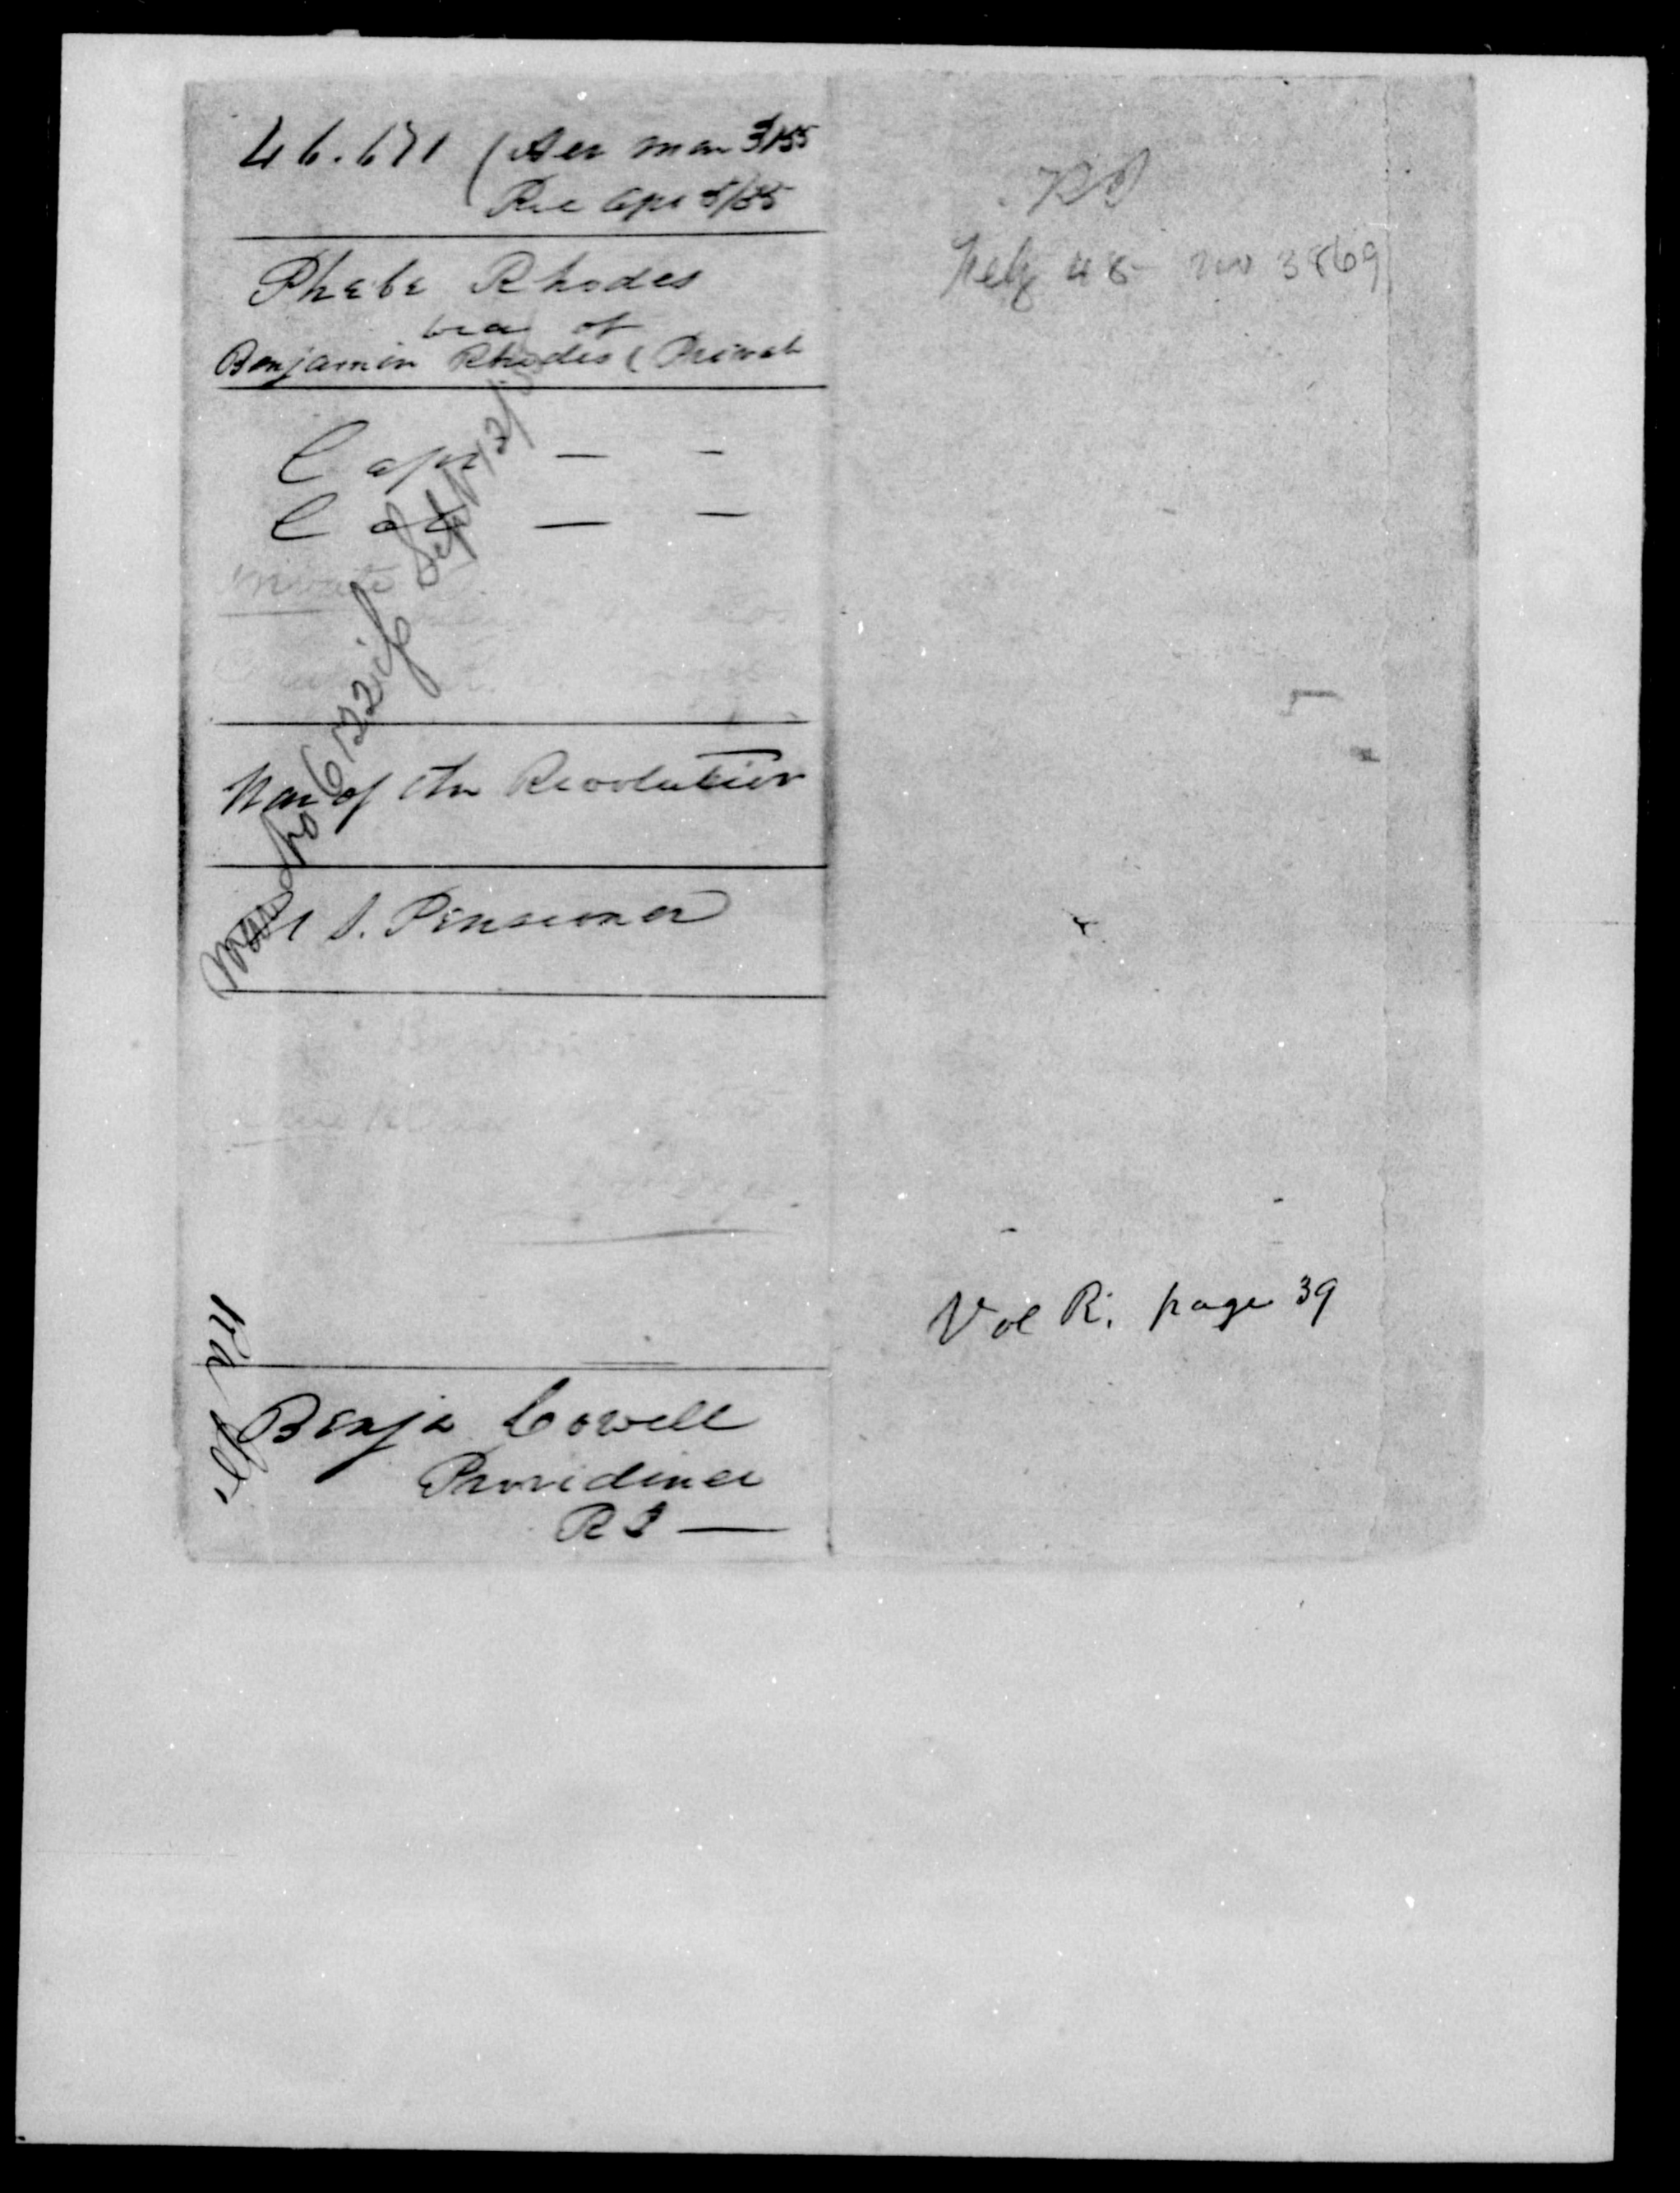46.671 Ser Mar 3/55
Rec Apr 5/55
-
Phebe Rhodes
Widow of Benjamin Rhodes (Private)
-
Cap
Col
-
War of the Revolution
-
L Pensioner
- 
Benja Cowell
Providence RI
-
Mar ho 6/22 if Sept 2/55
- 
RI
Feby 48 - rev 3869
-
Vol R, page 39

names: Phebe Rhodes; Benja Cowell; Benjamin Rhodes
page: 17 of 50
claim: widow's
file: W. 22058, for Benjamin Rhodes, Rhode Island